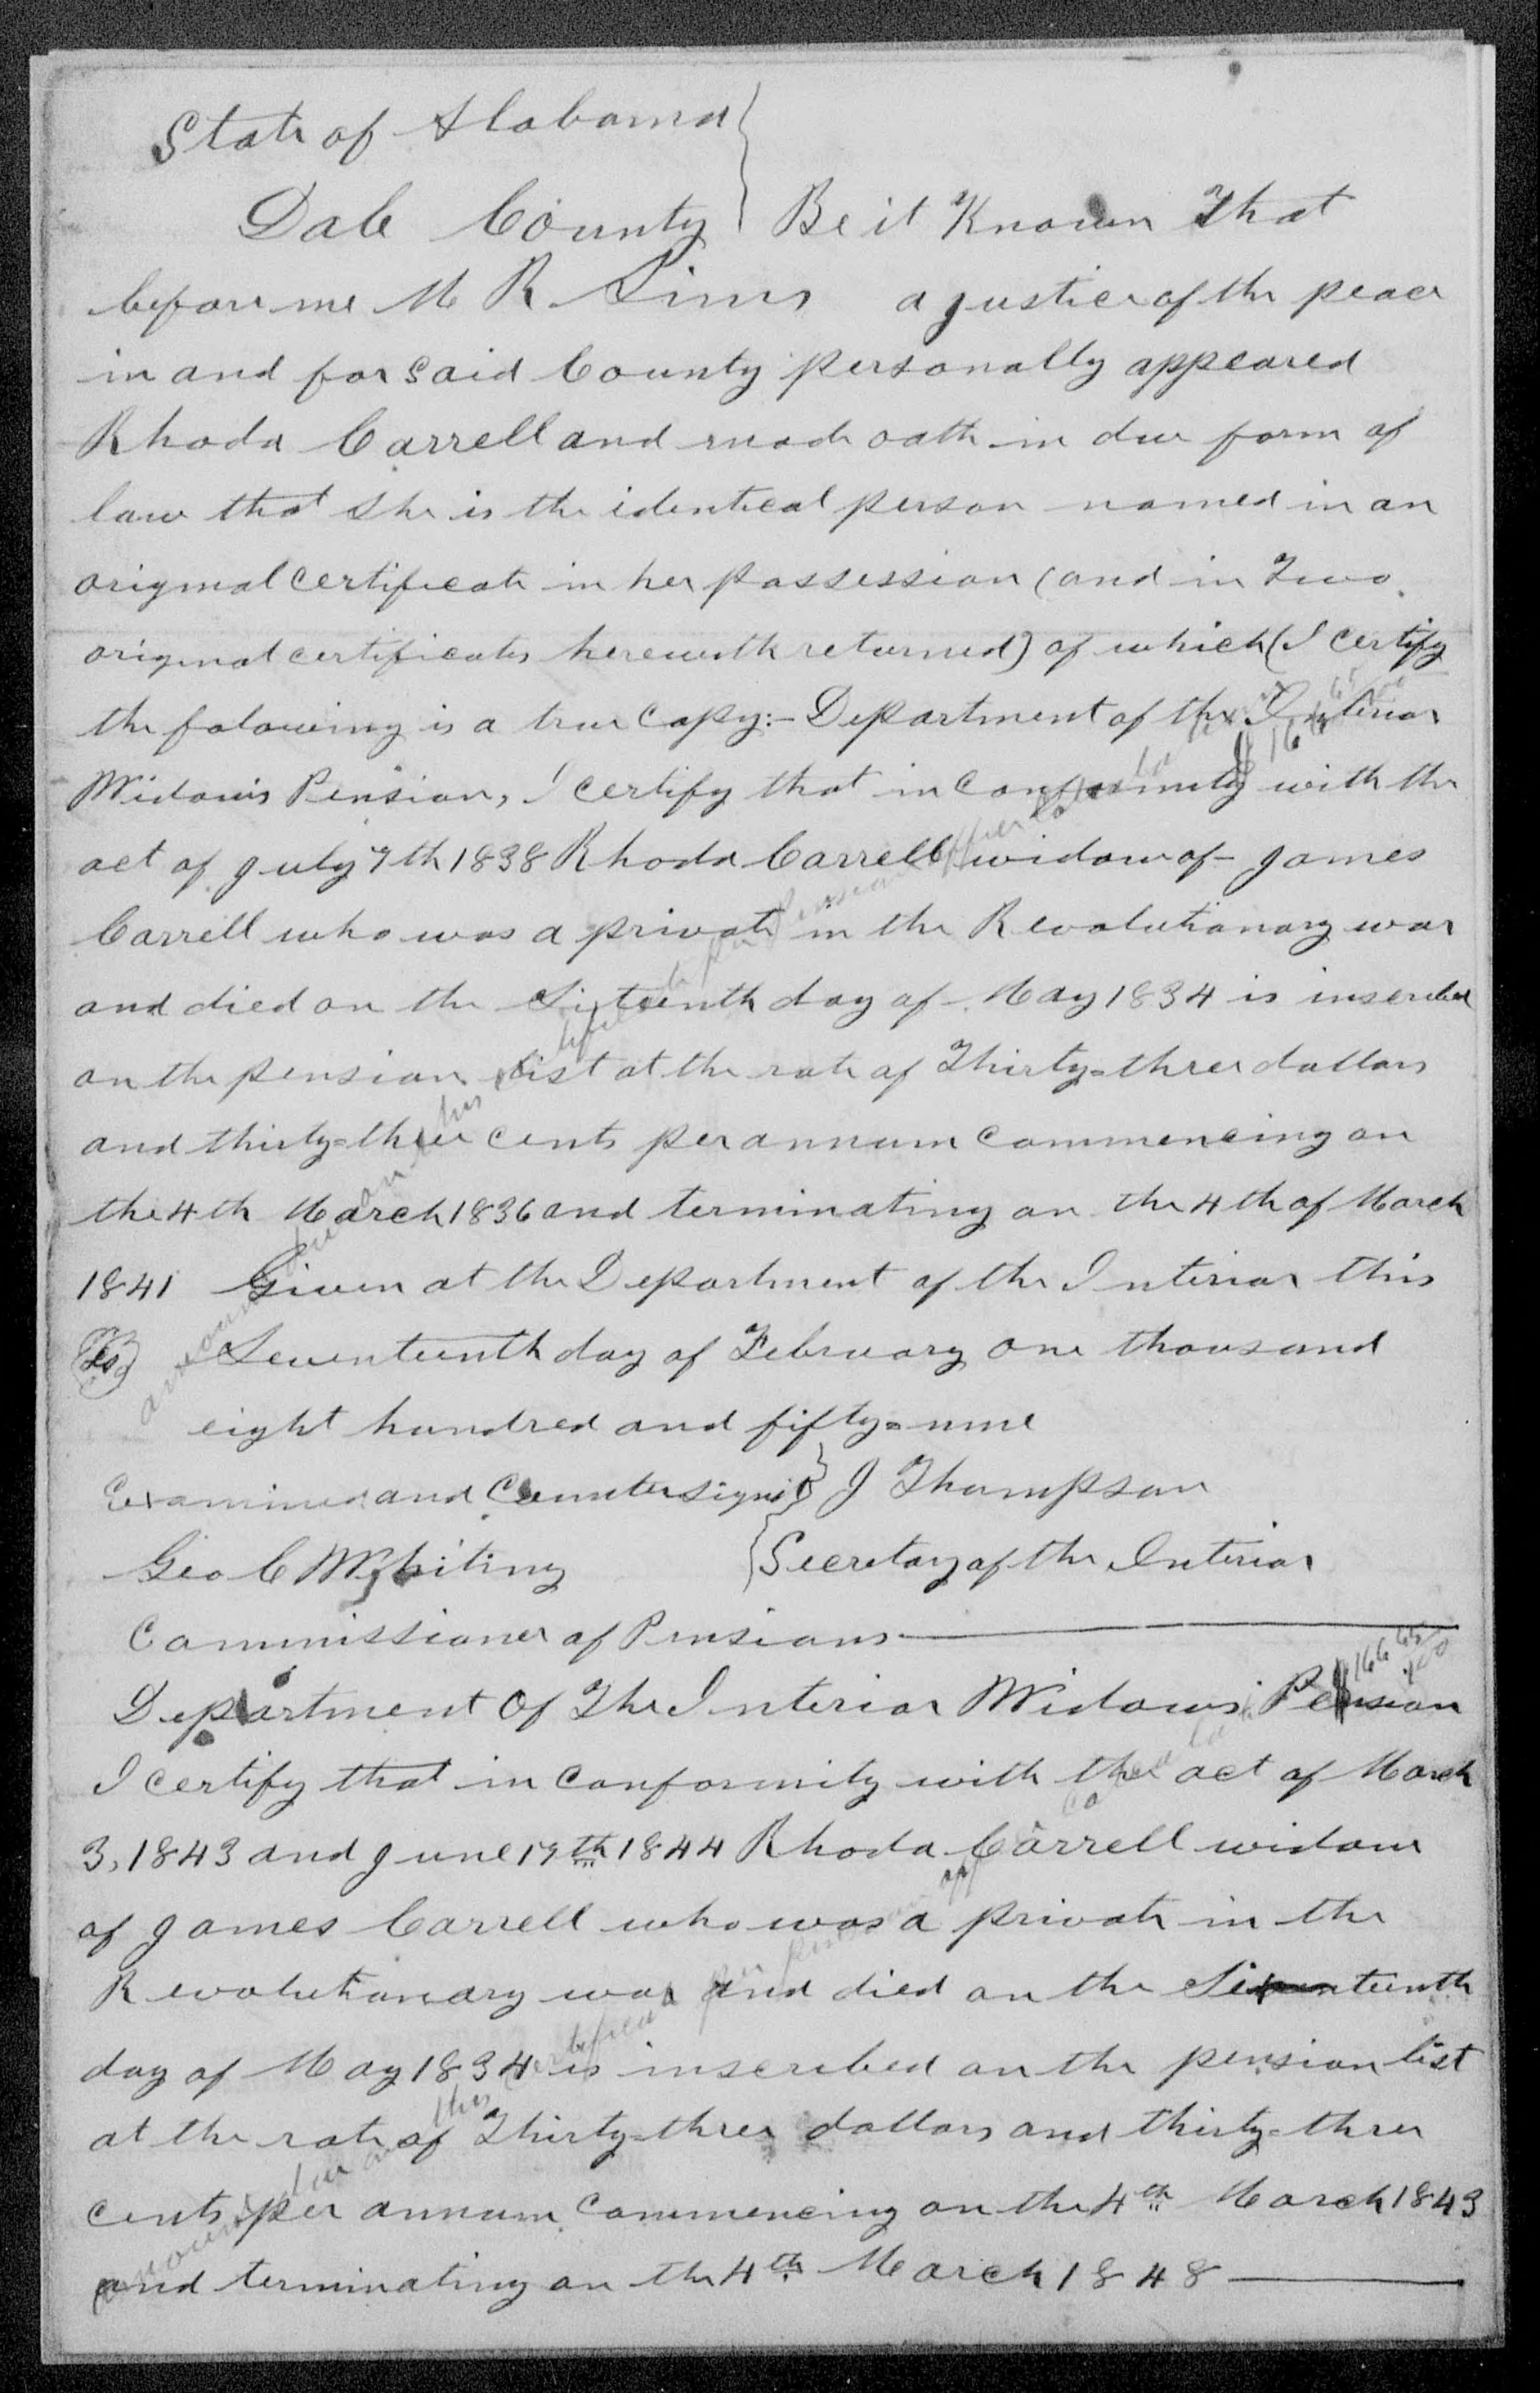State of Alabama 
Dale County }  Be it known that before me M R Sims a Justice of the peace in and for said county personally appeared Rhoda Carrell and made oath in  due form of law that she is the identical person named in an original certificate in her possession (and in tow original certificates herewith returned) of which I certify the following is a true copy: Department of the Interior Widows Pension, I certify that in conformity with the act of July 7th 1838 Rhoda Carrell widow of James Carrell who as a private in the Revolutionary war and died on the sixteenth day of May 1834 is inscribed on the pension list at the rate of thirty three dollars and thirty three cents  per annum commencing on the 4th March 1836 and terminating on the 4th of March 1841. Given at the Department of the Interior this seventeenth day of February one thousand eight hundred and fifty nine. J Thompson Secretary of the Interior
Examined and countersigned Geo C. Whiting

Department of the Interior Widows Pension
I certify that in conformity with the act of March 2, 1843 and June 17th 1844 Rhoda Carrell widow of James Carrel who was a private in the Revolutionary war and died on the sixteenth day of May 1834 is inscribed on the pension list at the rate of thirty three dollars and thirty three cents per annum commencing on the 4th March 1843 and terminating on the 4th March 1848.

[written diagonally on top of document writing]
amount due on the certified per pension application $166.65      400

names: M R Sims, Rhoda Carrell, James Carrell, J Thompson, Geo C Whiting, Pearson, Rhoda Carrell, Rhoda Carrell, James Carrell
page: 23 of 86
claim: widow's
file: W. 6899, James Carrell, N.C.